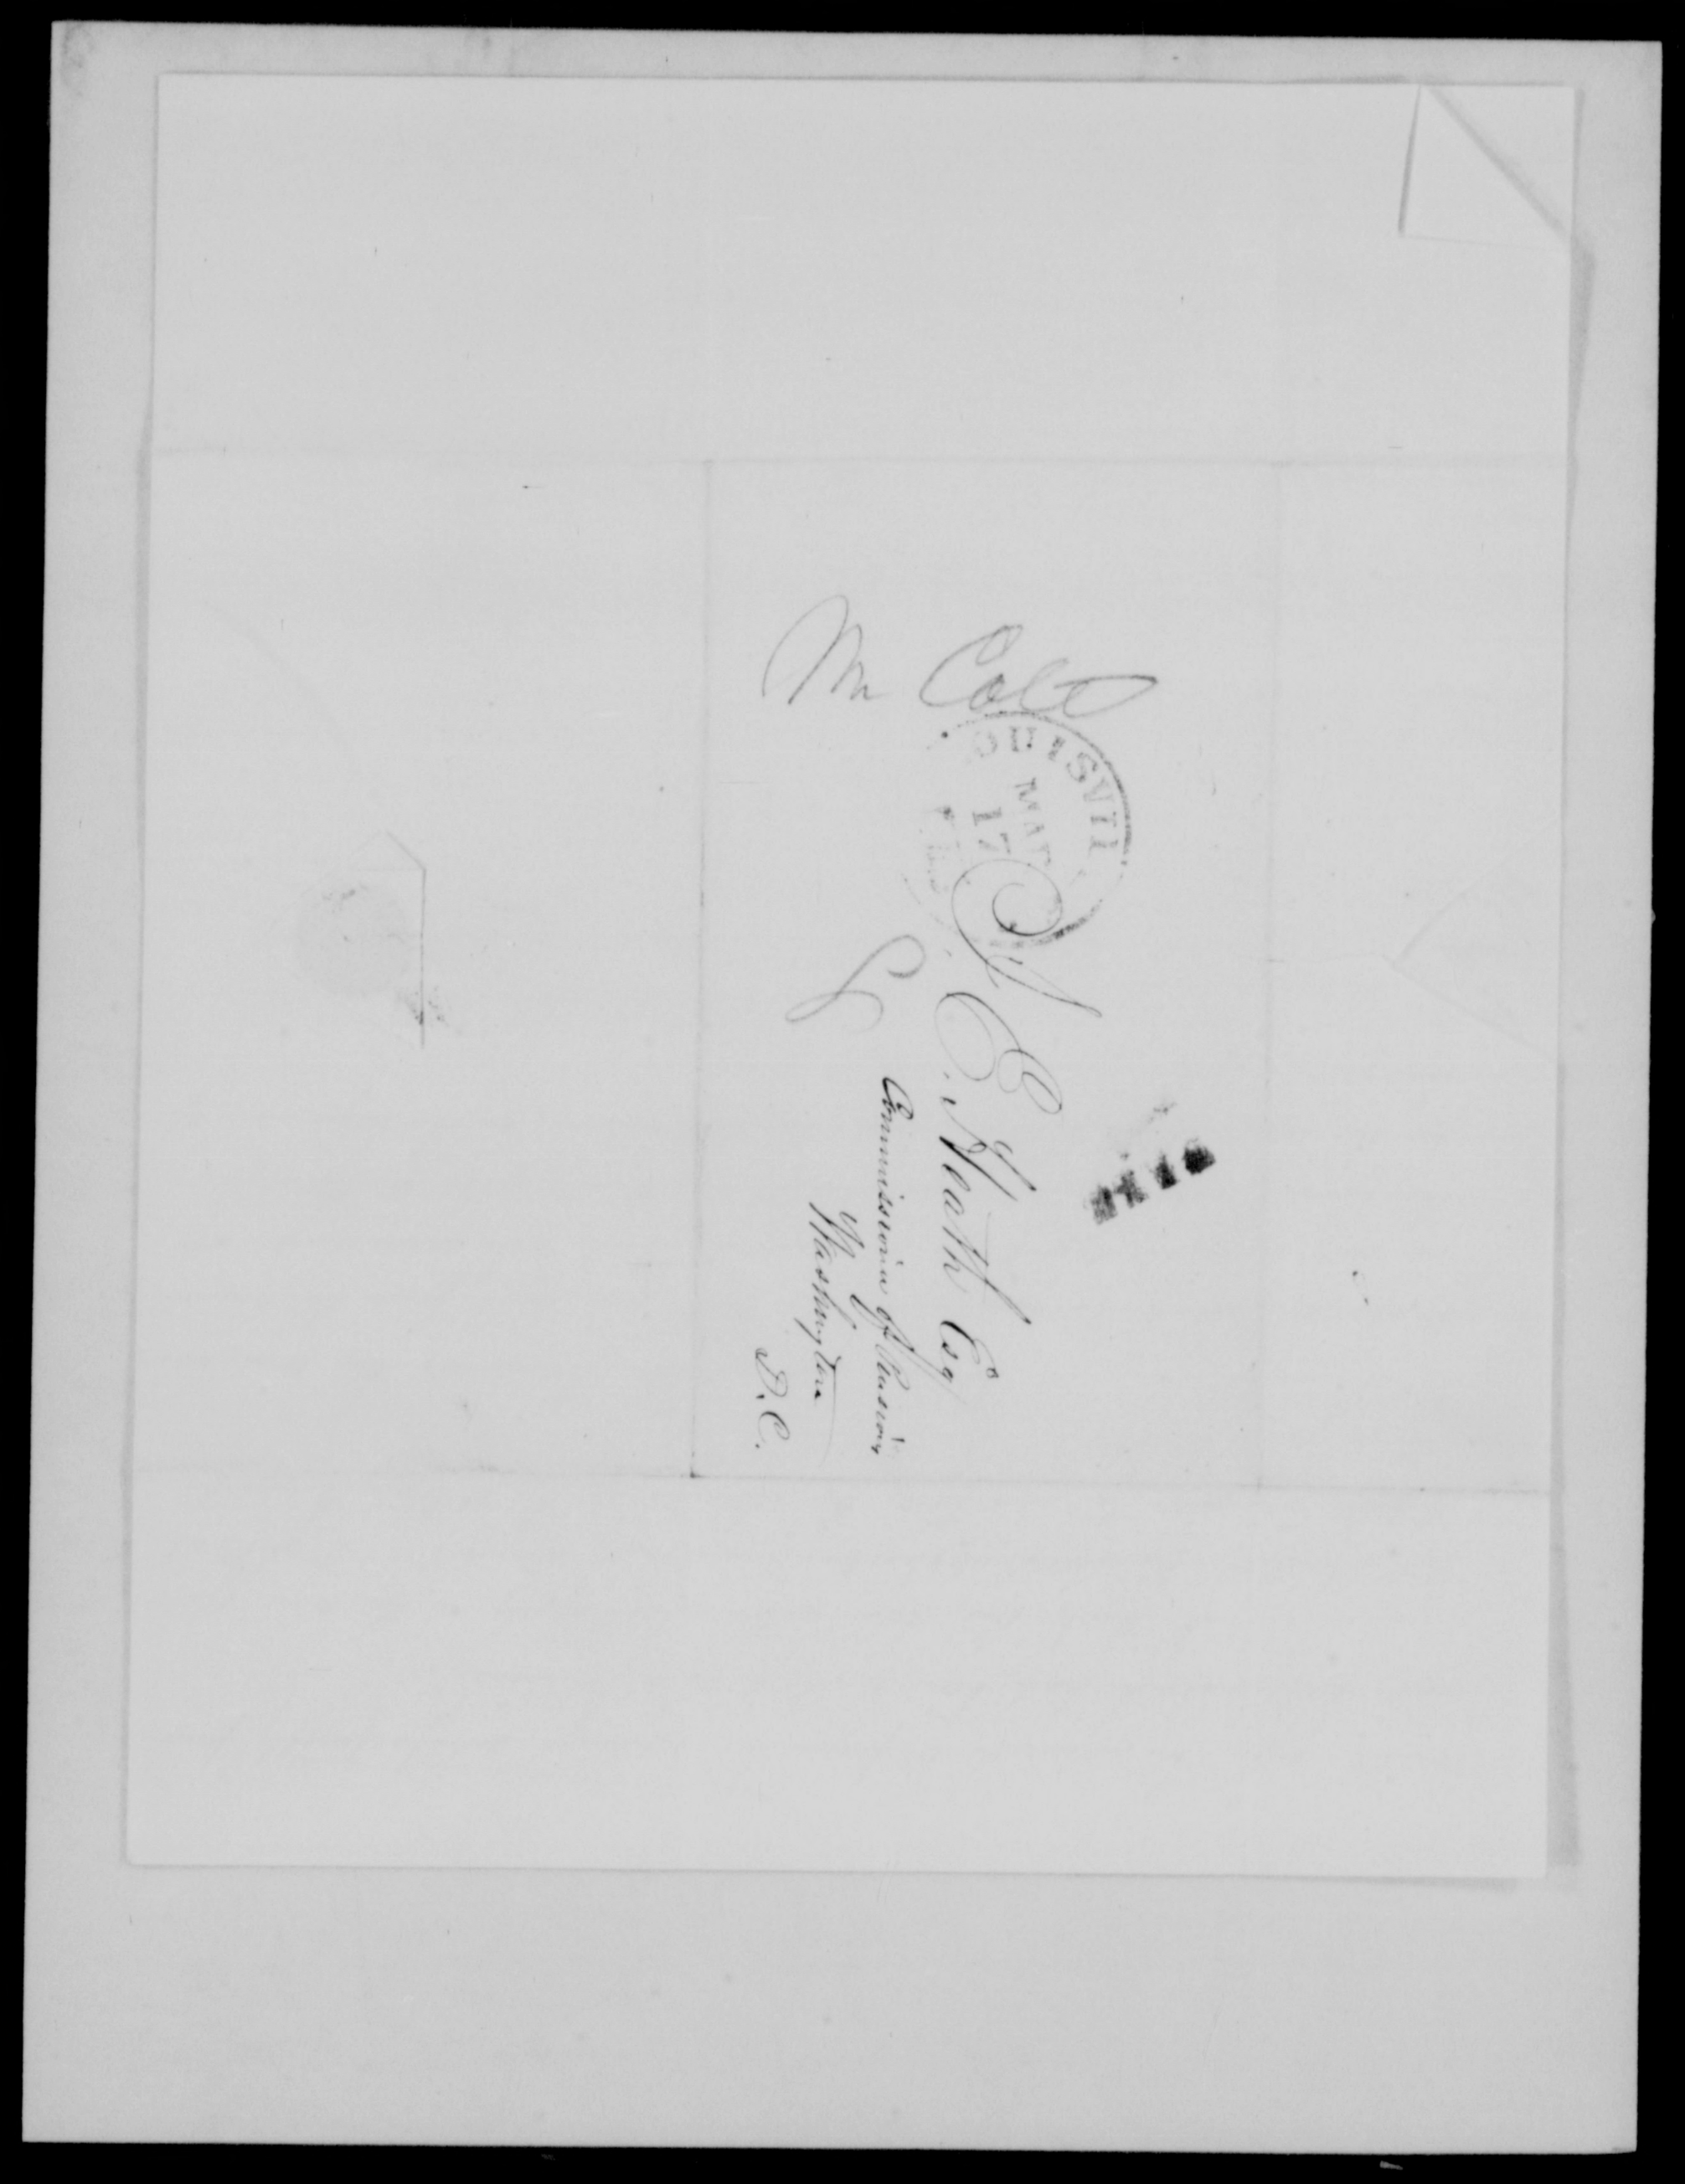M Cole

[post marked LOUISVILLE MAR 17]

J E Heath
Commissioner of Pensions
Washington
DC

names: J E Heath, Cole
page: 42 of 100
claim: widow's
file: W. 6437, Richard Wells, Ga Va.